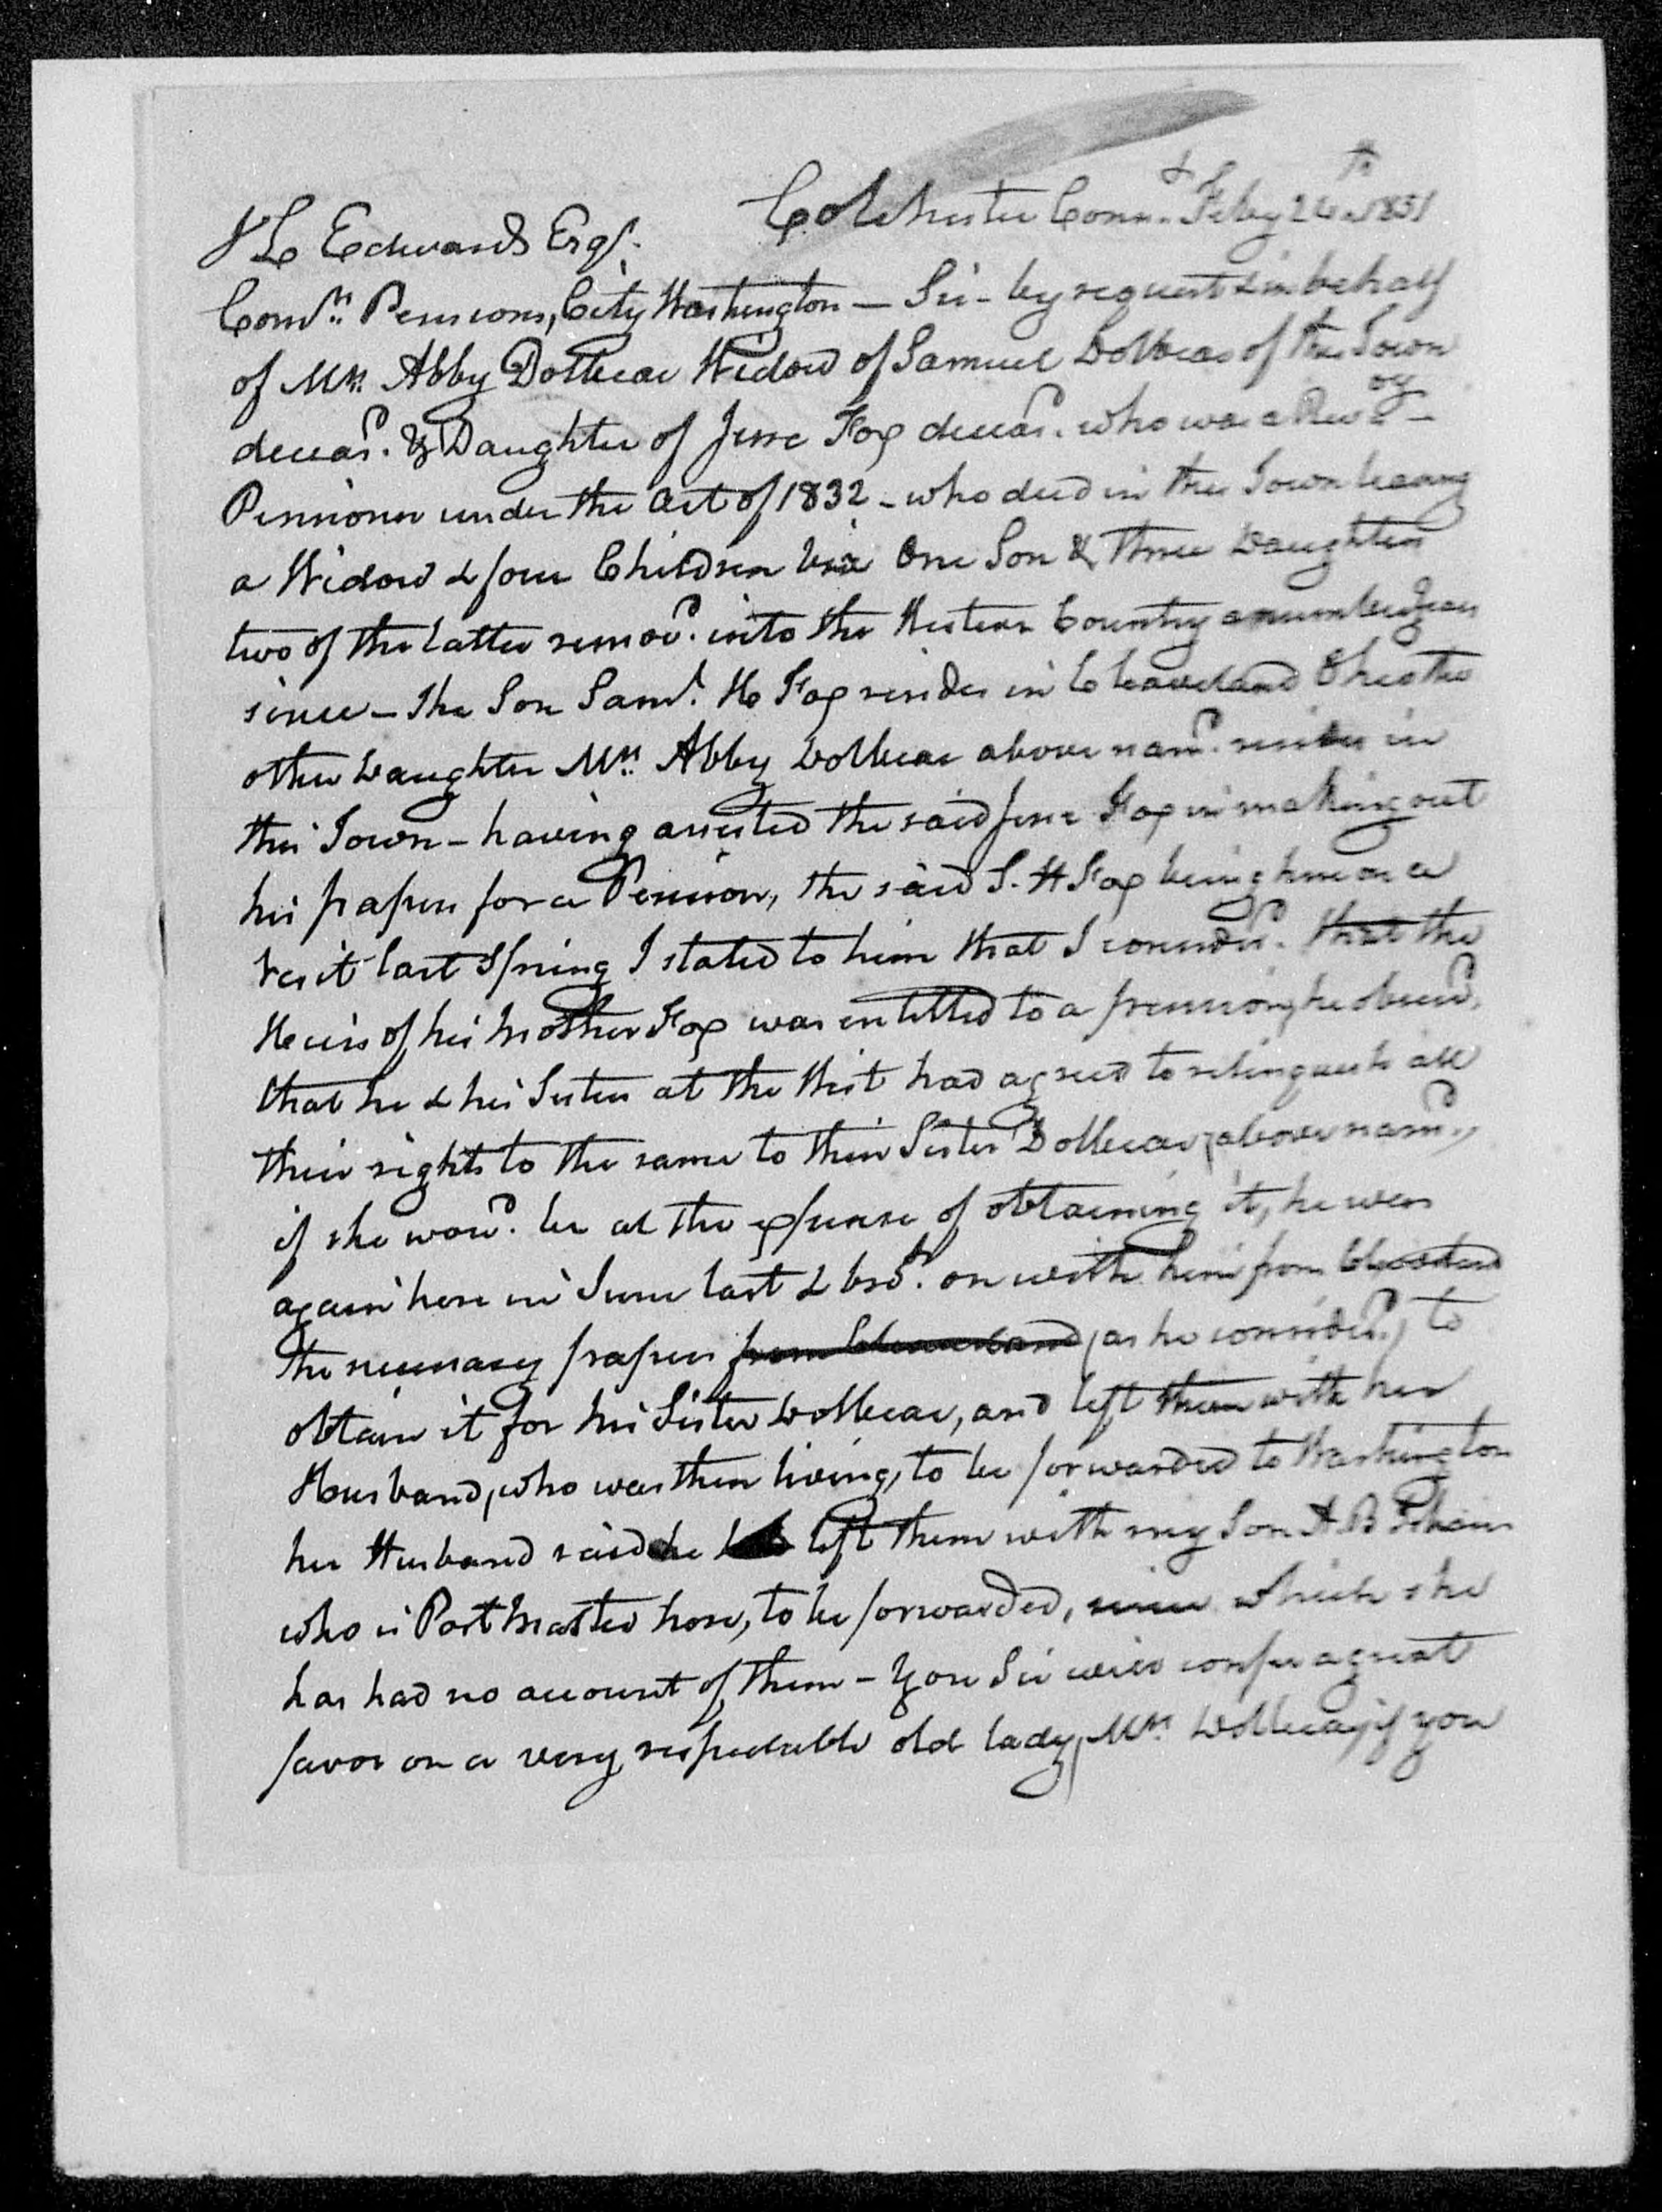Colchester Connt. Feby 26th 1831
J L Edwards Esq
Commr. of Pensions, City Washington- Sir- by request & in behalf of Mrs. Abby Dolbear widow if Daniel Dolbear of the Town deceased & daughter of Jesse Fox deceased who was a Revy pensioner under the act of 1832, who died in the Town leaving a widow & four children viz. one son & three daughters two of the latter removd into the Western Country a number of years since, The son Saml H Fox resides in Cleaveland, Ohio & the other daughter Mrs Abby Dolbear above named resides in this Town, having [unk] the said Jesse Fox in making out his papers for a pension, the said J H Fox being here on a visit last spring I stated to him that I considerd that the heirs of his mother Fox was entitled to a pension, he observd that he & his siter at the [unk] had agreed to relinquish all their rights to the same to their sister Dolbear, above named, if she would be at the expense of obtaining it, he was  again here in I am last 2 bro. on with him from [unk] the necessary papers (as he considerd) to obtain it for his sister Dolbear, and left them with her husband, who was then living, to be forwarded to Washington her husband said  [unk] left them with my son A B Isham who is Post master here, to be forwarded, which he has had no account of them. you sir will confer a great favor on a very respectable old lady, Mrs Dolbear if you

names: Jesse Fox, Dolbear, Dolbear, S H Fox, Dolbear, A B Isham, Fox, Saml H Fox, Abby Dolbear, Samuel Dolbear, Jesse Fox, Abby Dolbear, J L Edwards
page: 23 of 53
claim: rejected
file: R. 3732, Jesse Fox, Conn.